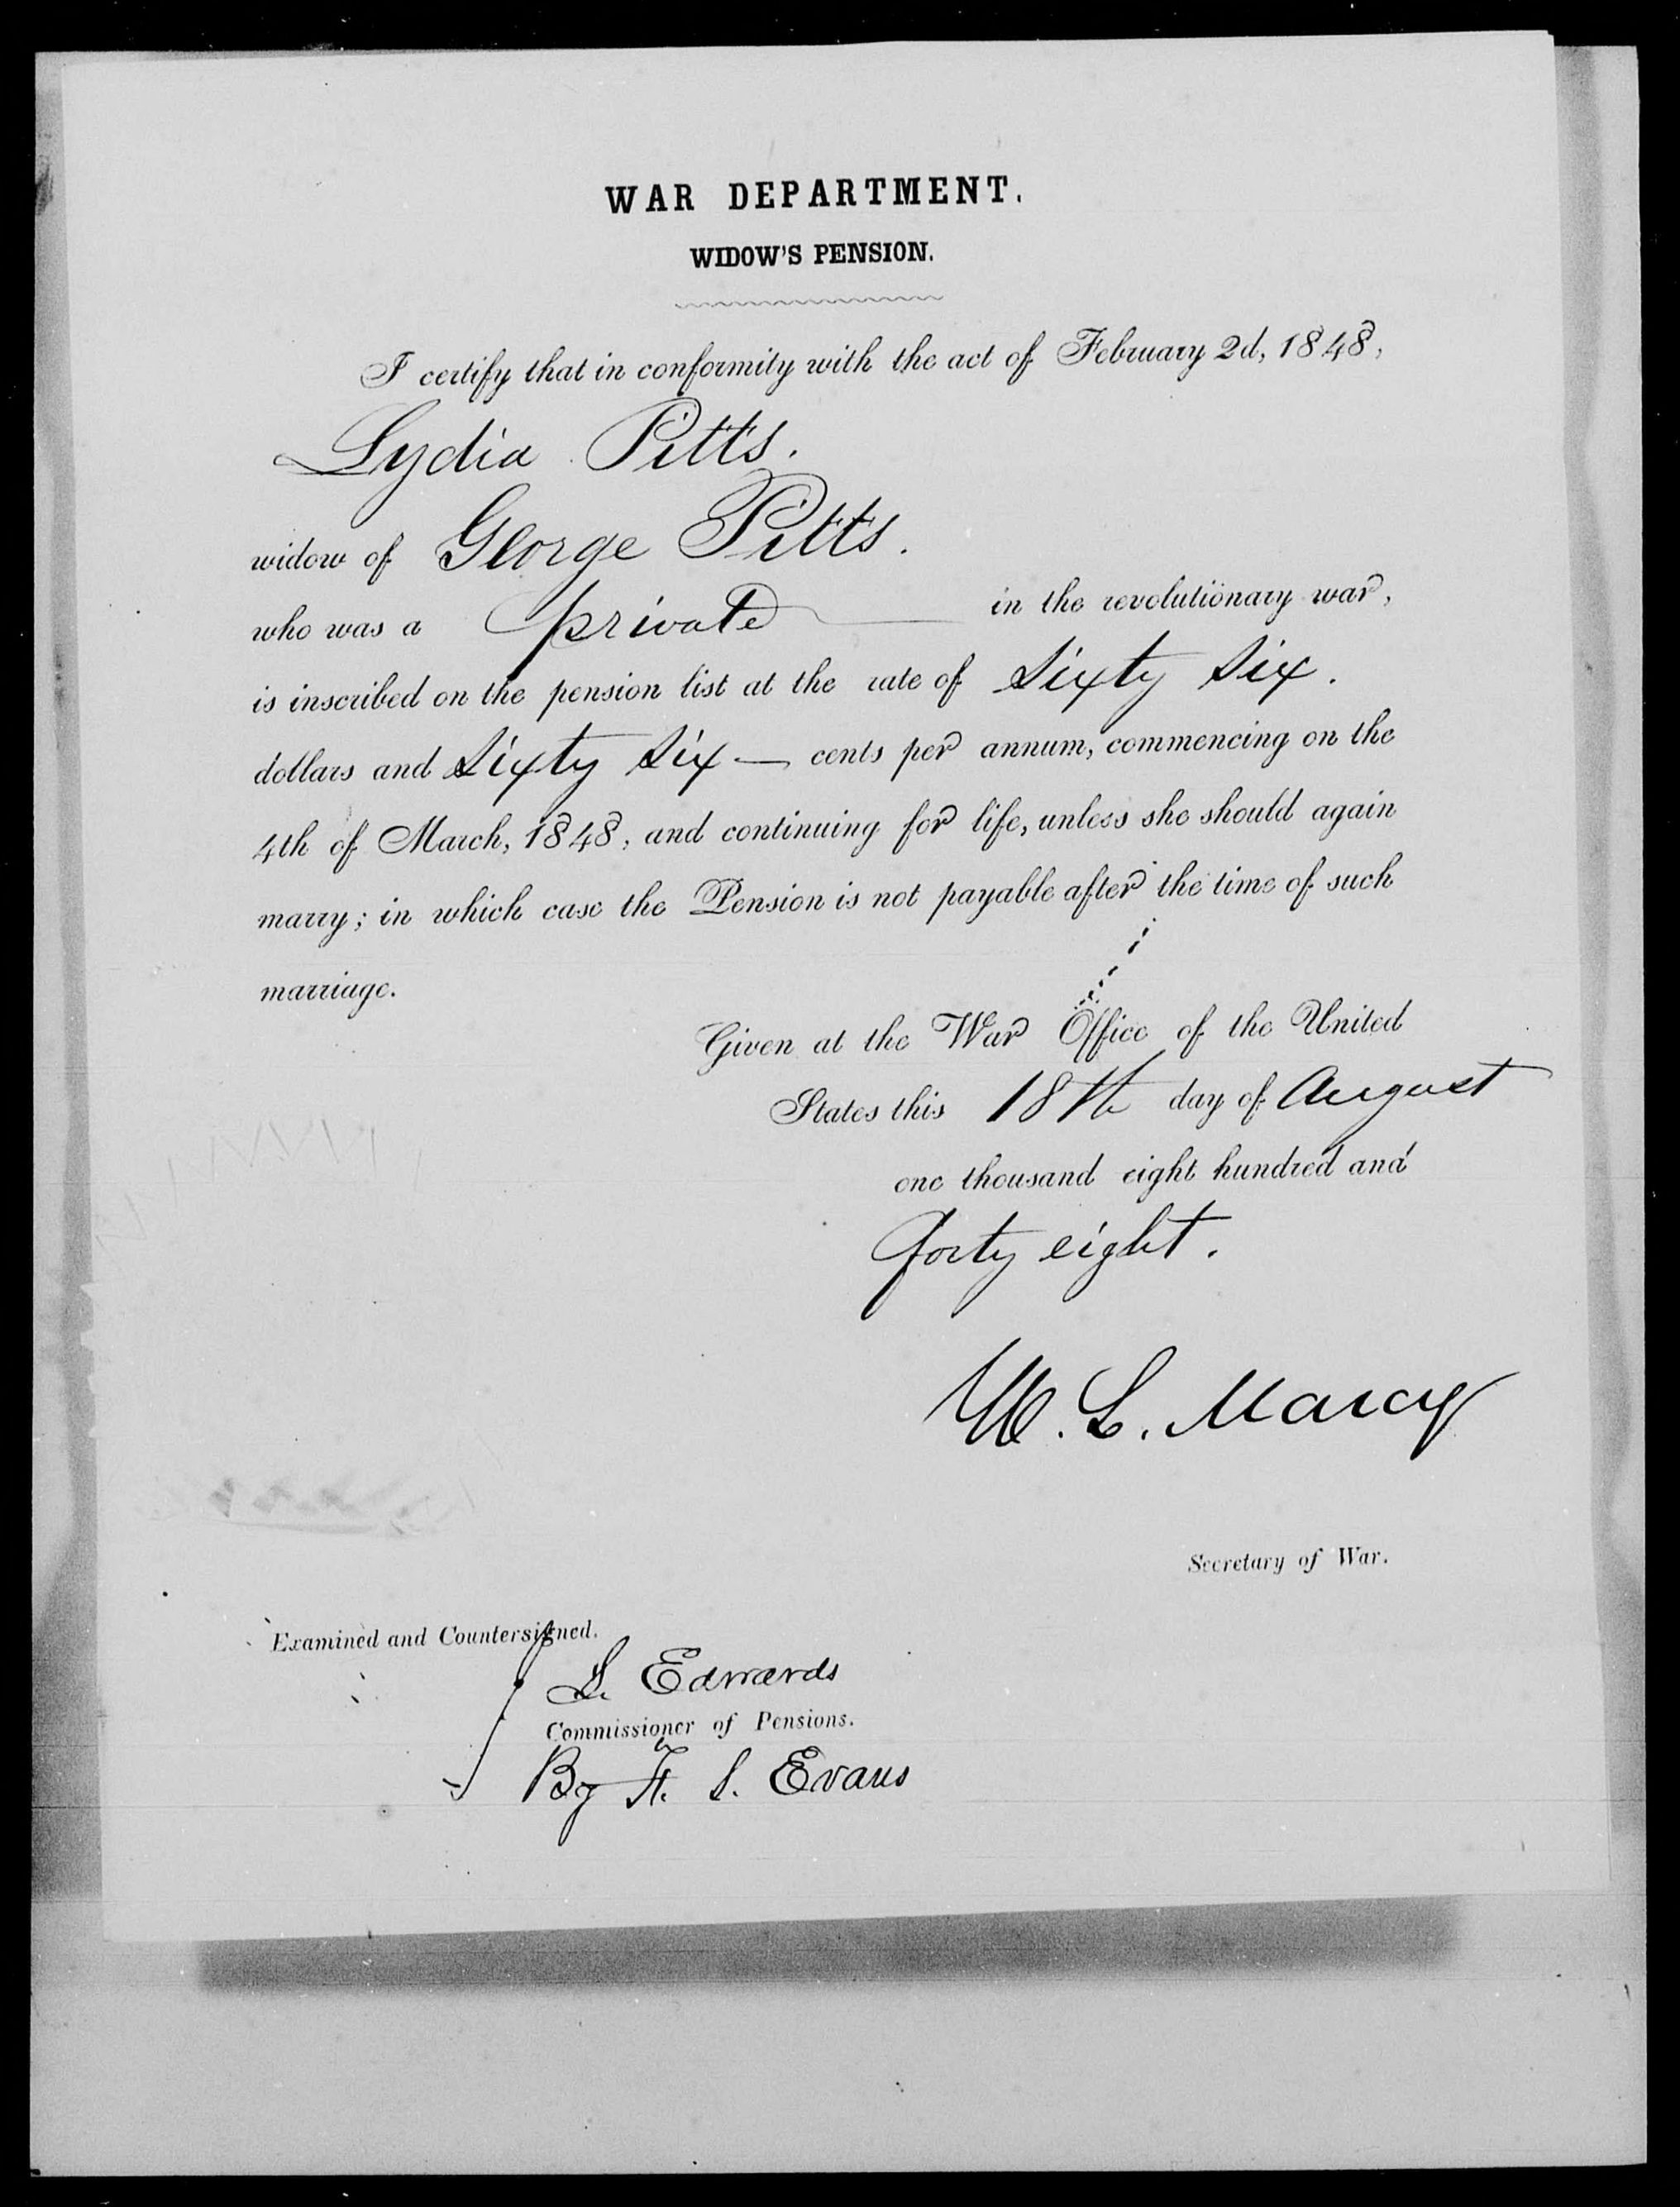WAR DEPARTMENT.
WIDOW'S PENSION.
I certify that in conformity with the act of February 2, 1848,
Lydia Pitts
widow of George Pitts.
who was a private in the revolutionary war,
is inscribed on the pension list at the rate of Sixty Six
dollars and sixty six cents per annum, commencing on the
4th of March, 1848, and continuing for life, unless she should again
marry; in which case the Pension is not payable after the time of such
marriage.
Given at the War Office of the United 
States this 18th day of August
one thousand eight hundred and
forty eight.
W. L. Marcy [signature]
Secretary of War.
Examined and Countersigned.
J.L. Edwards
Commissioner of Pensions
By F. S. Evans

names: W L Marcy; J L Edwards; George Pitts; F S Evans; Lydia Pitts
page: 33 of 54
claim: widow's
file: W. 26,897, for George Pitts, Massachusetts